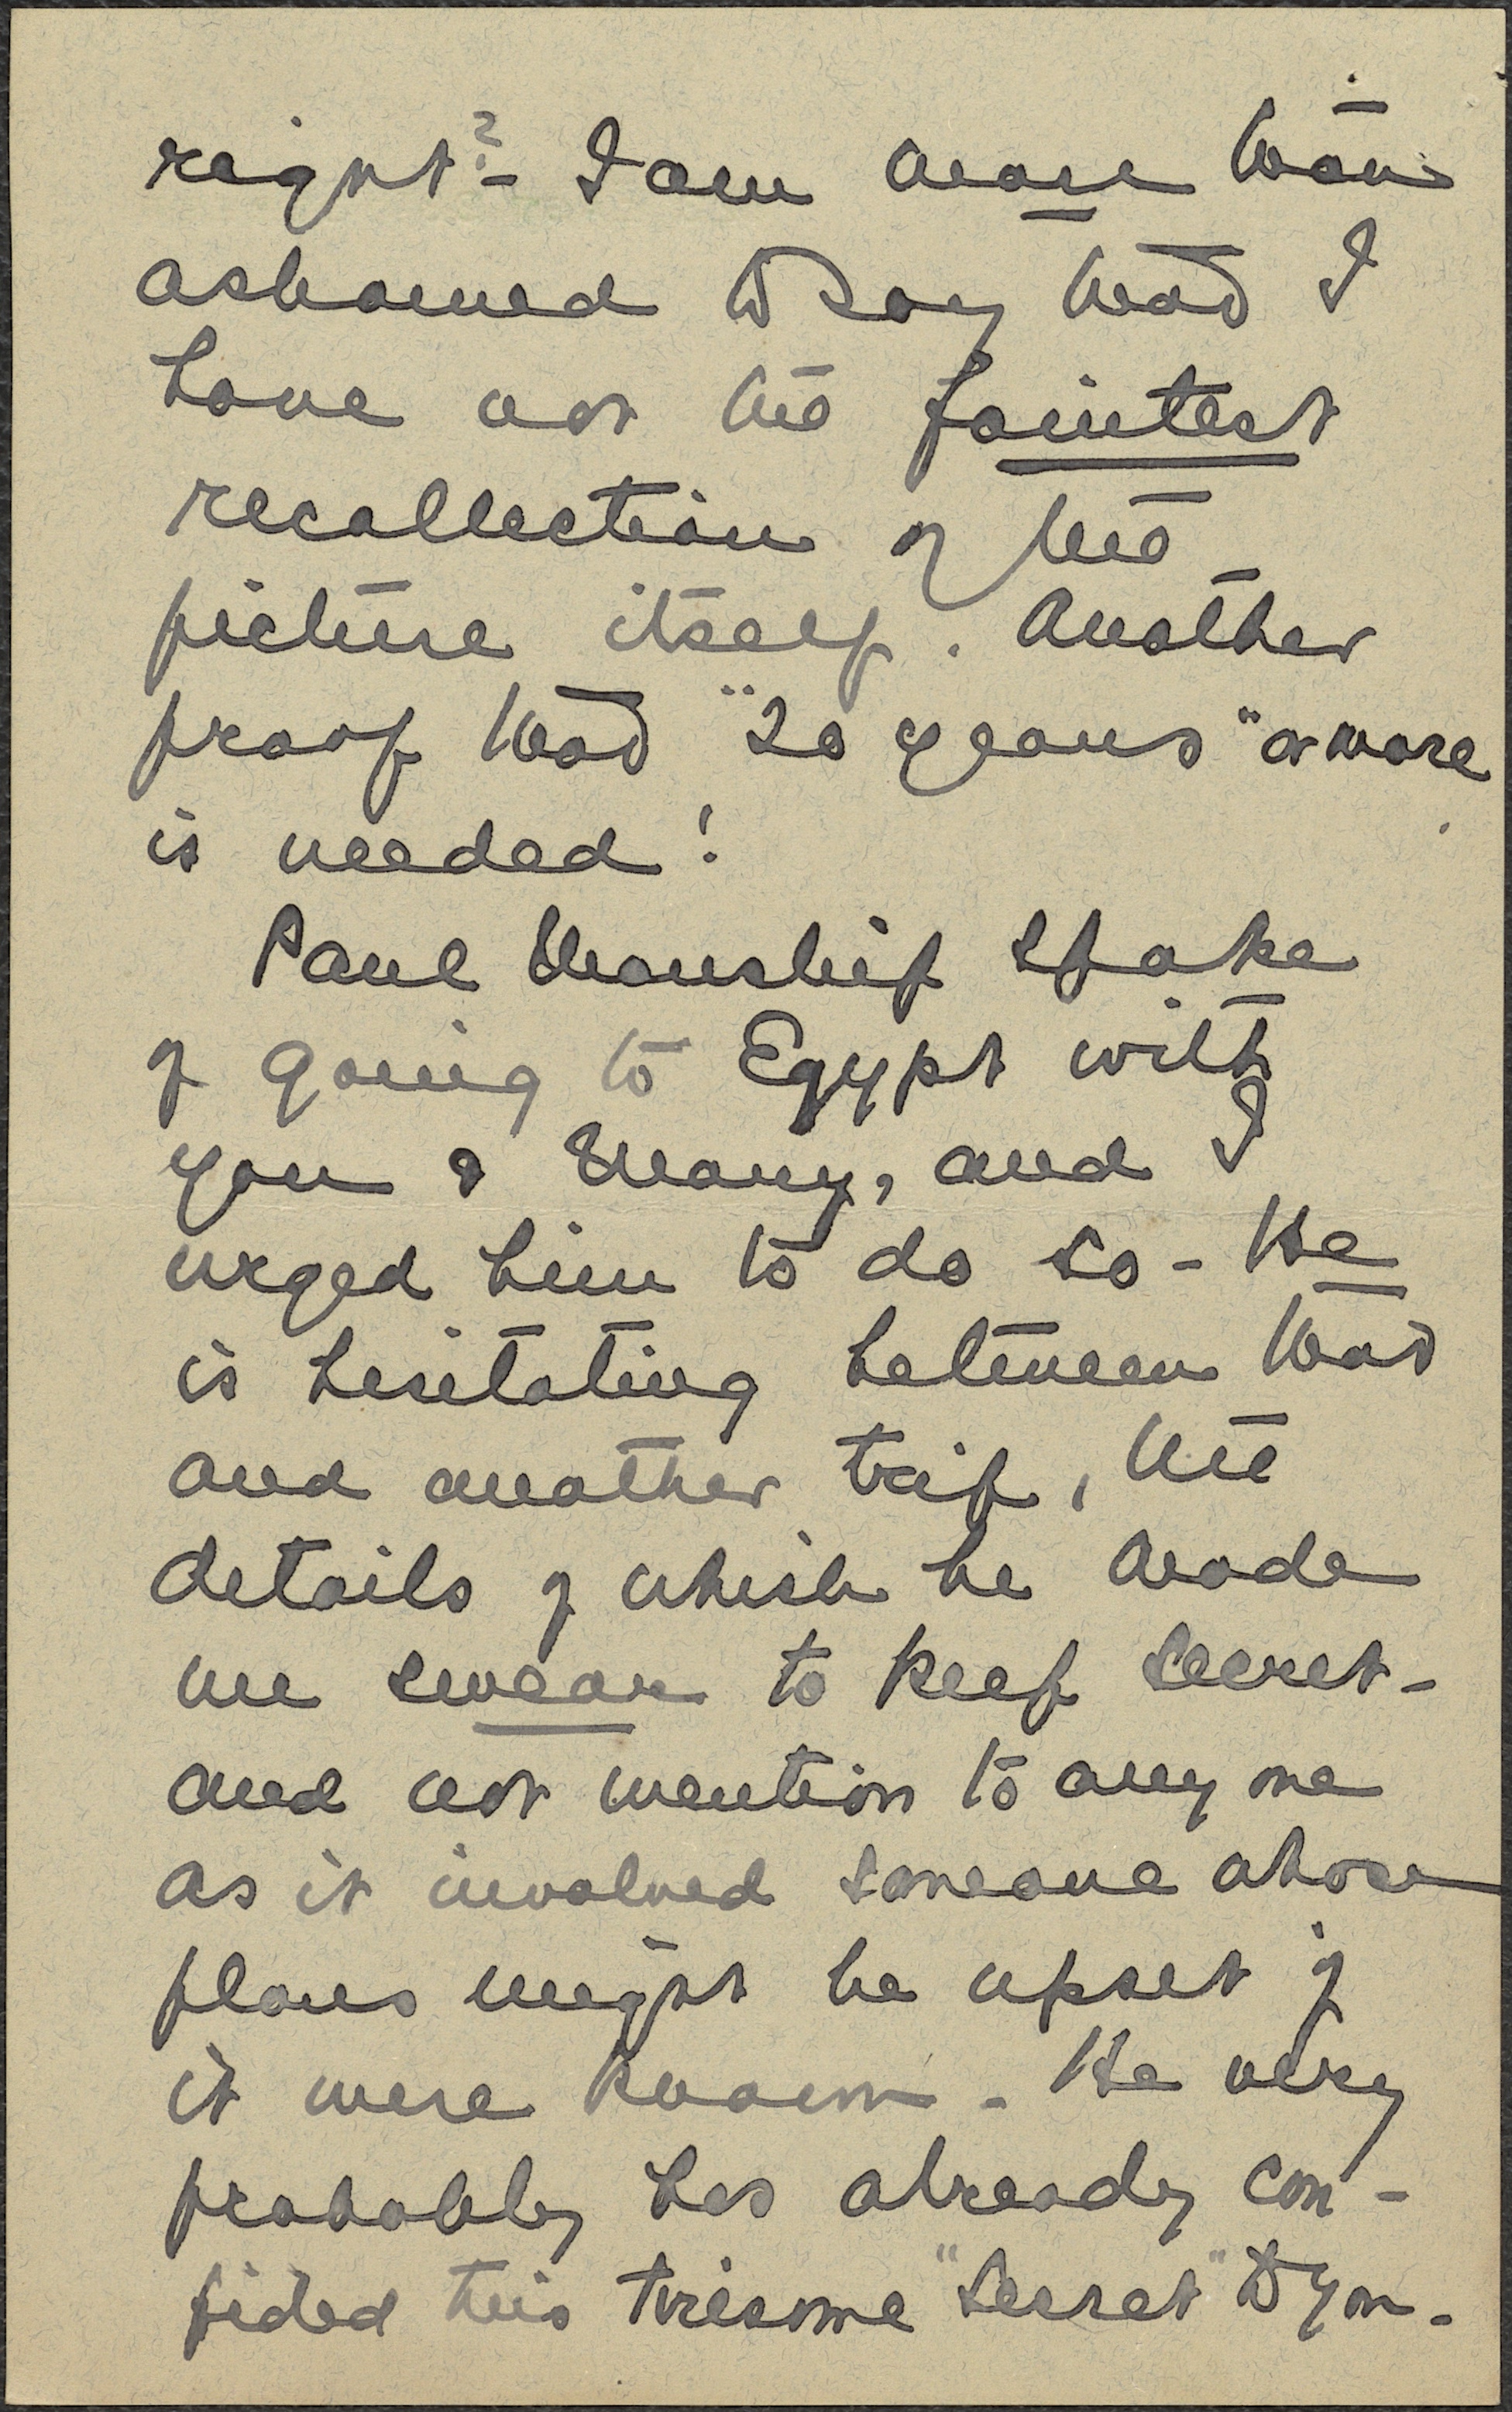right? – I am more than ashamed to say that I have not the faintest recollection of the picture itself. Another proof that "20 years" or more is needed!
Paul Manship spoke of going to Egypt with you & Mary, and I urged him to do so – He is hesitating between that and another trip, the details of which he made me swear to keep secret – and not mention to any one as it involved someone whose plans might be upset if it were known – He very probably has already confided this tiresome "secret" to you.